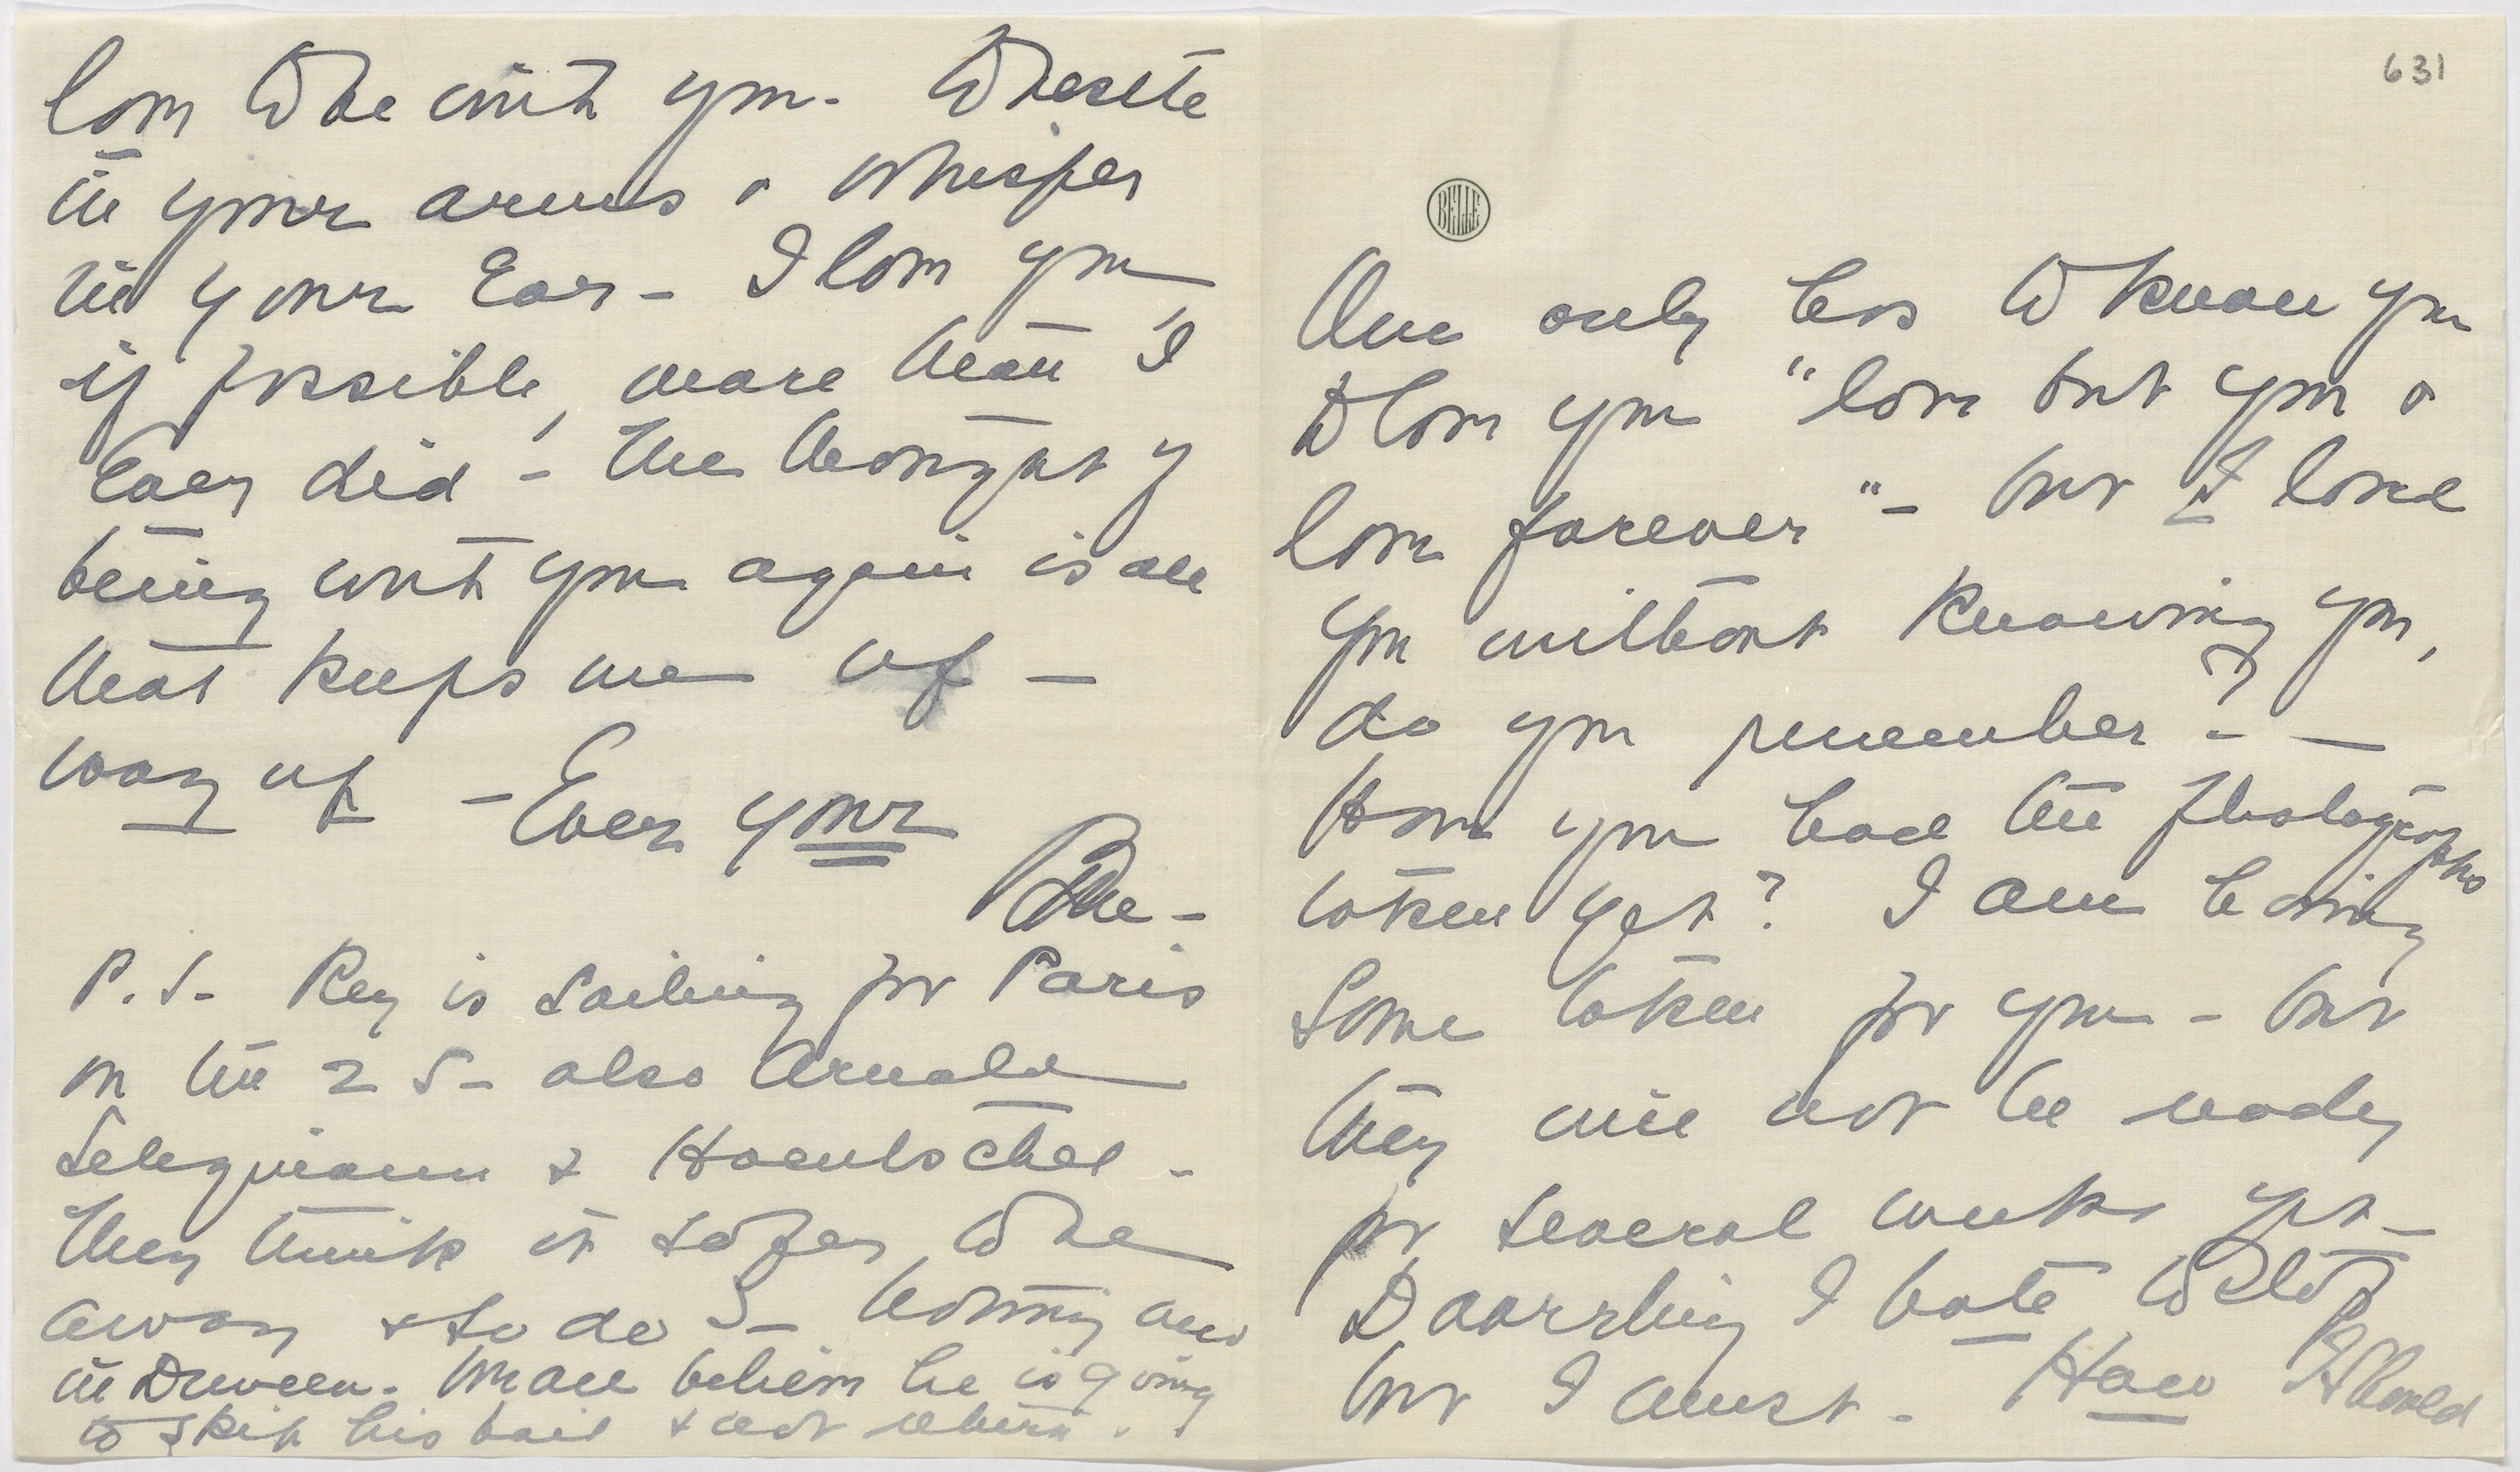One only has to know you to love you “love but you & love forever” – but I love you without knowing you, do you remember? –
Have you had the photographs taken yet? I am having some taken for you – but they will not be ready for several weeks yet –
Daarrling I hate to stop but I must – How I should
love to be with you. to nestle in your arms & whisper in your ear – I love you, if possible, more than I Ever did – The thought of being with you again is all that keeps me up – way up – Ever [double underlined: your] Belle –
P.S. Rey is sailing for Paris on the 25 – also Arnold Seligmann & Hoentschel – They think it safer to be away & so do I – Nothing new in Duveen – We all believe he is going to skip his bail & not return.